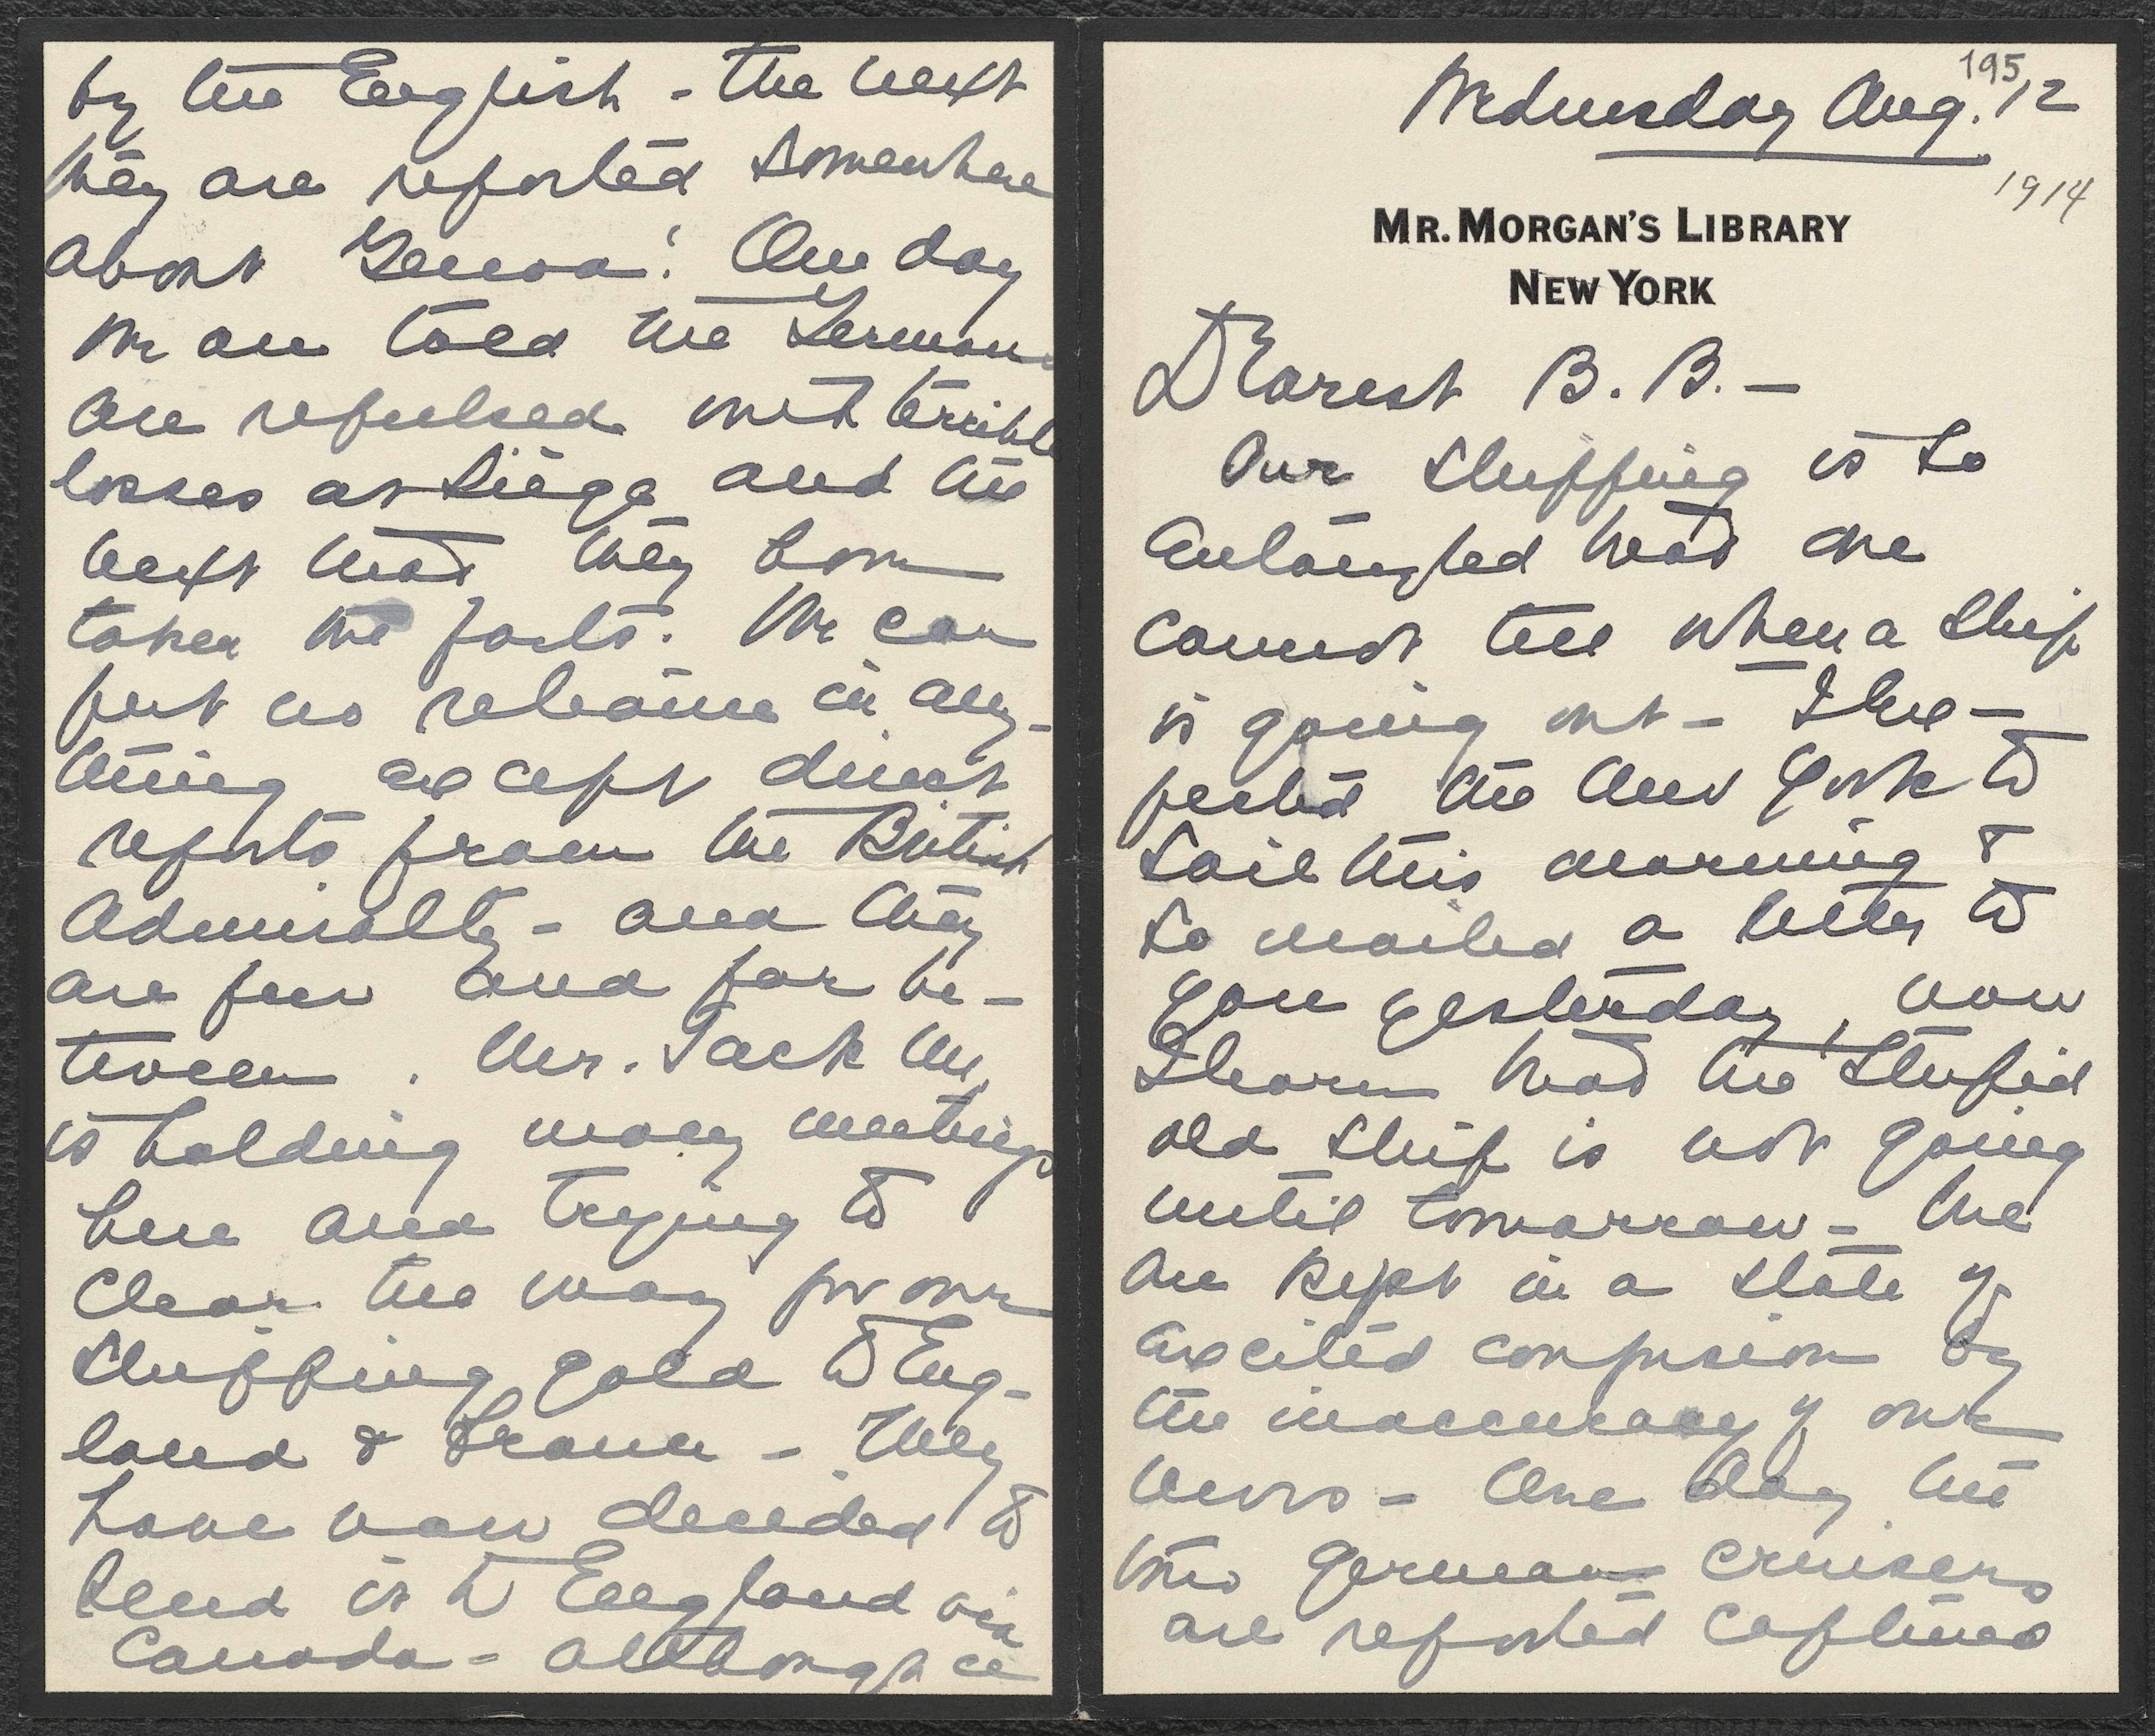Wednesday Aug. 12
Dearest B.B. –
Our shipping is so entangled that one cannot tell when a ship is going out – I expected the New York to sail this morning & so mailed a letter to you yesterday, now I learn that the stupid old ship is not going until tomorrow – We are kept in a state of excited confusion by the inaccuracy of our news – One day the two German cruisers are reported captured
by the English – the next they are reported somewhere about Genoa! One day we are told the Germans are repulsed with terrible losses at Liège and the next that they have taken the ports. We can put no reliance in anything as except direct reports from the British Admiralty – and they are few and far between. Mr. Jack M. is holding many meetings here and trying to clear the way for our shipping gold to England & France – They have now decided to send it to England via Canada – although a